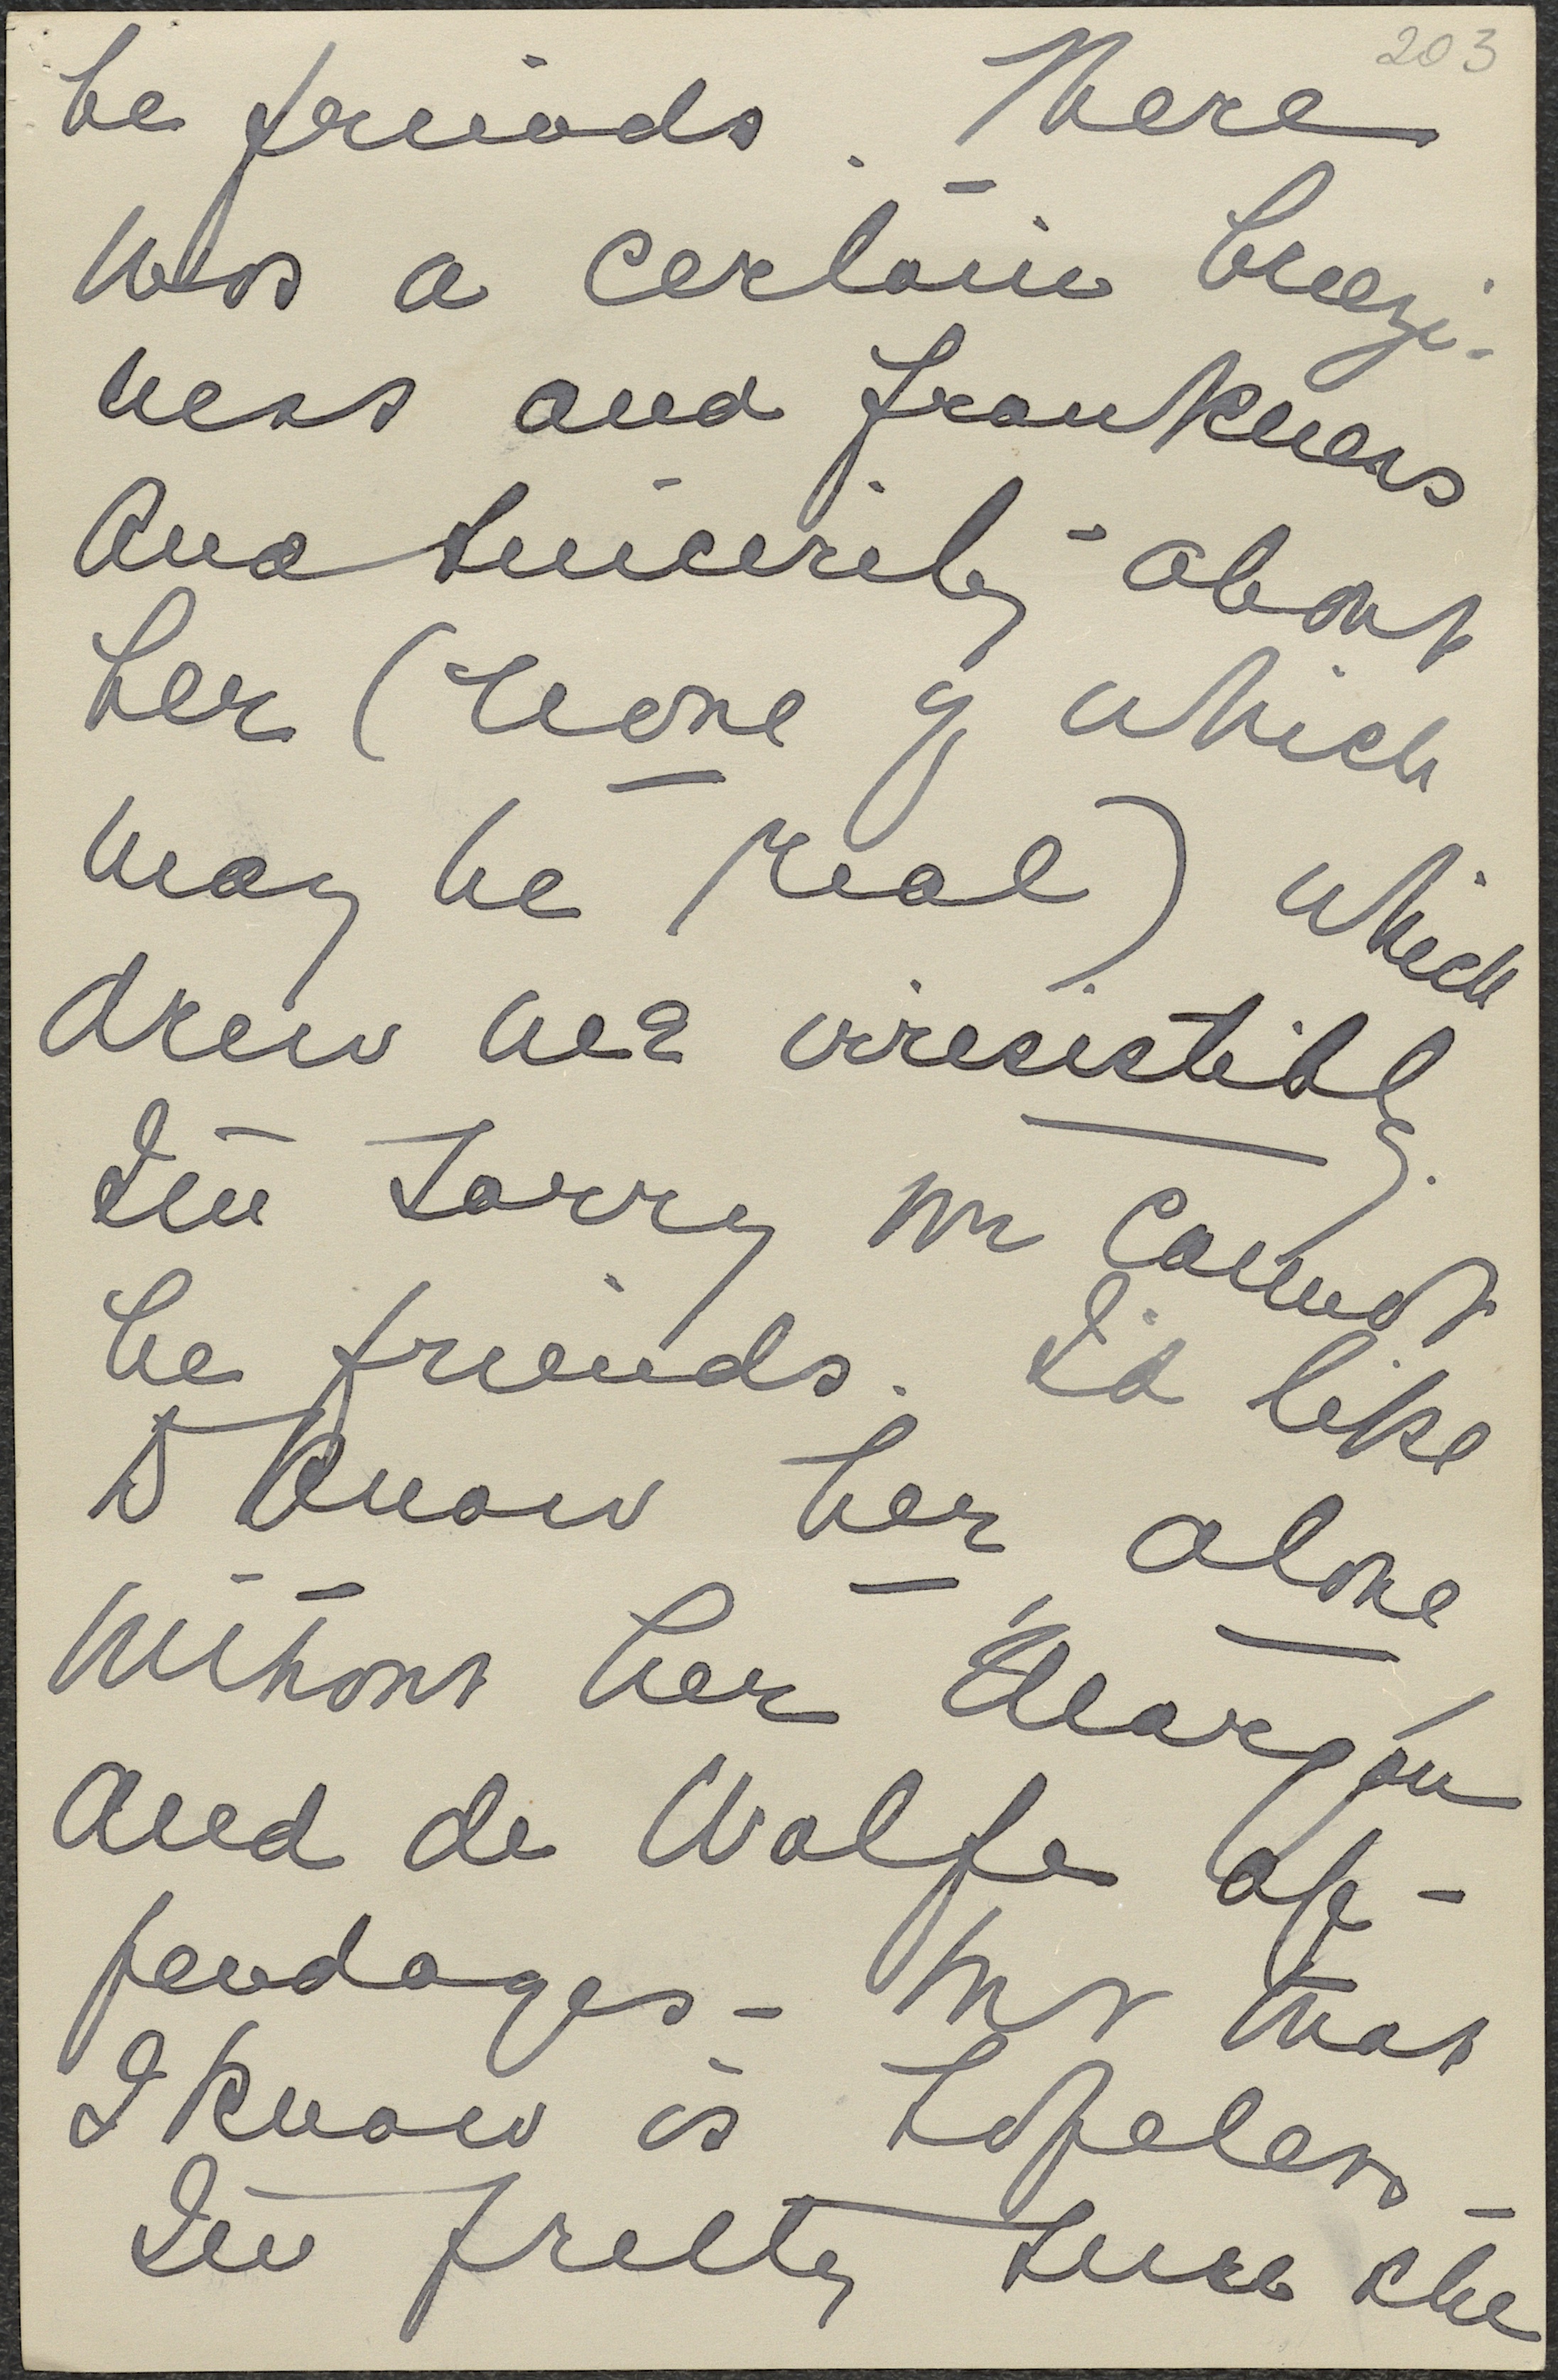be friends. There was a certain breeziness and frankness and sincerity about her (none of which may be real) which drew me irresistibly. I’m sorry we cannot be friends. I’d like to know her alone without her Morgan and de Wolfe appendages – but that I know is hopeless – I’m pretty sure she